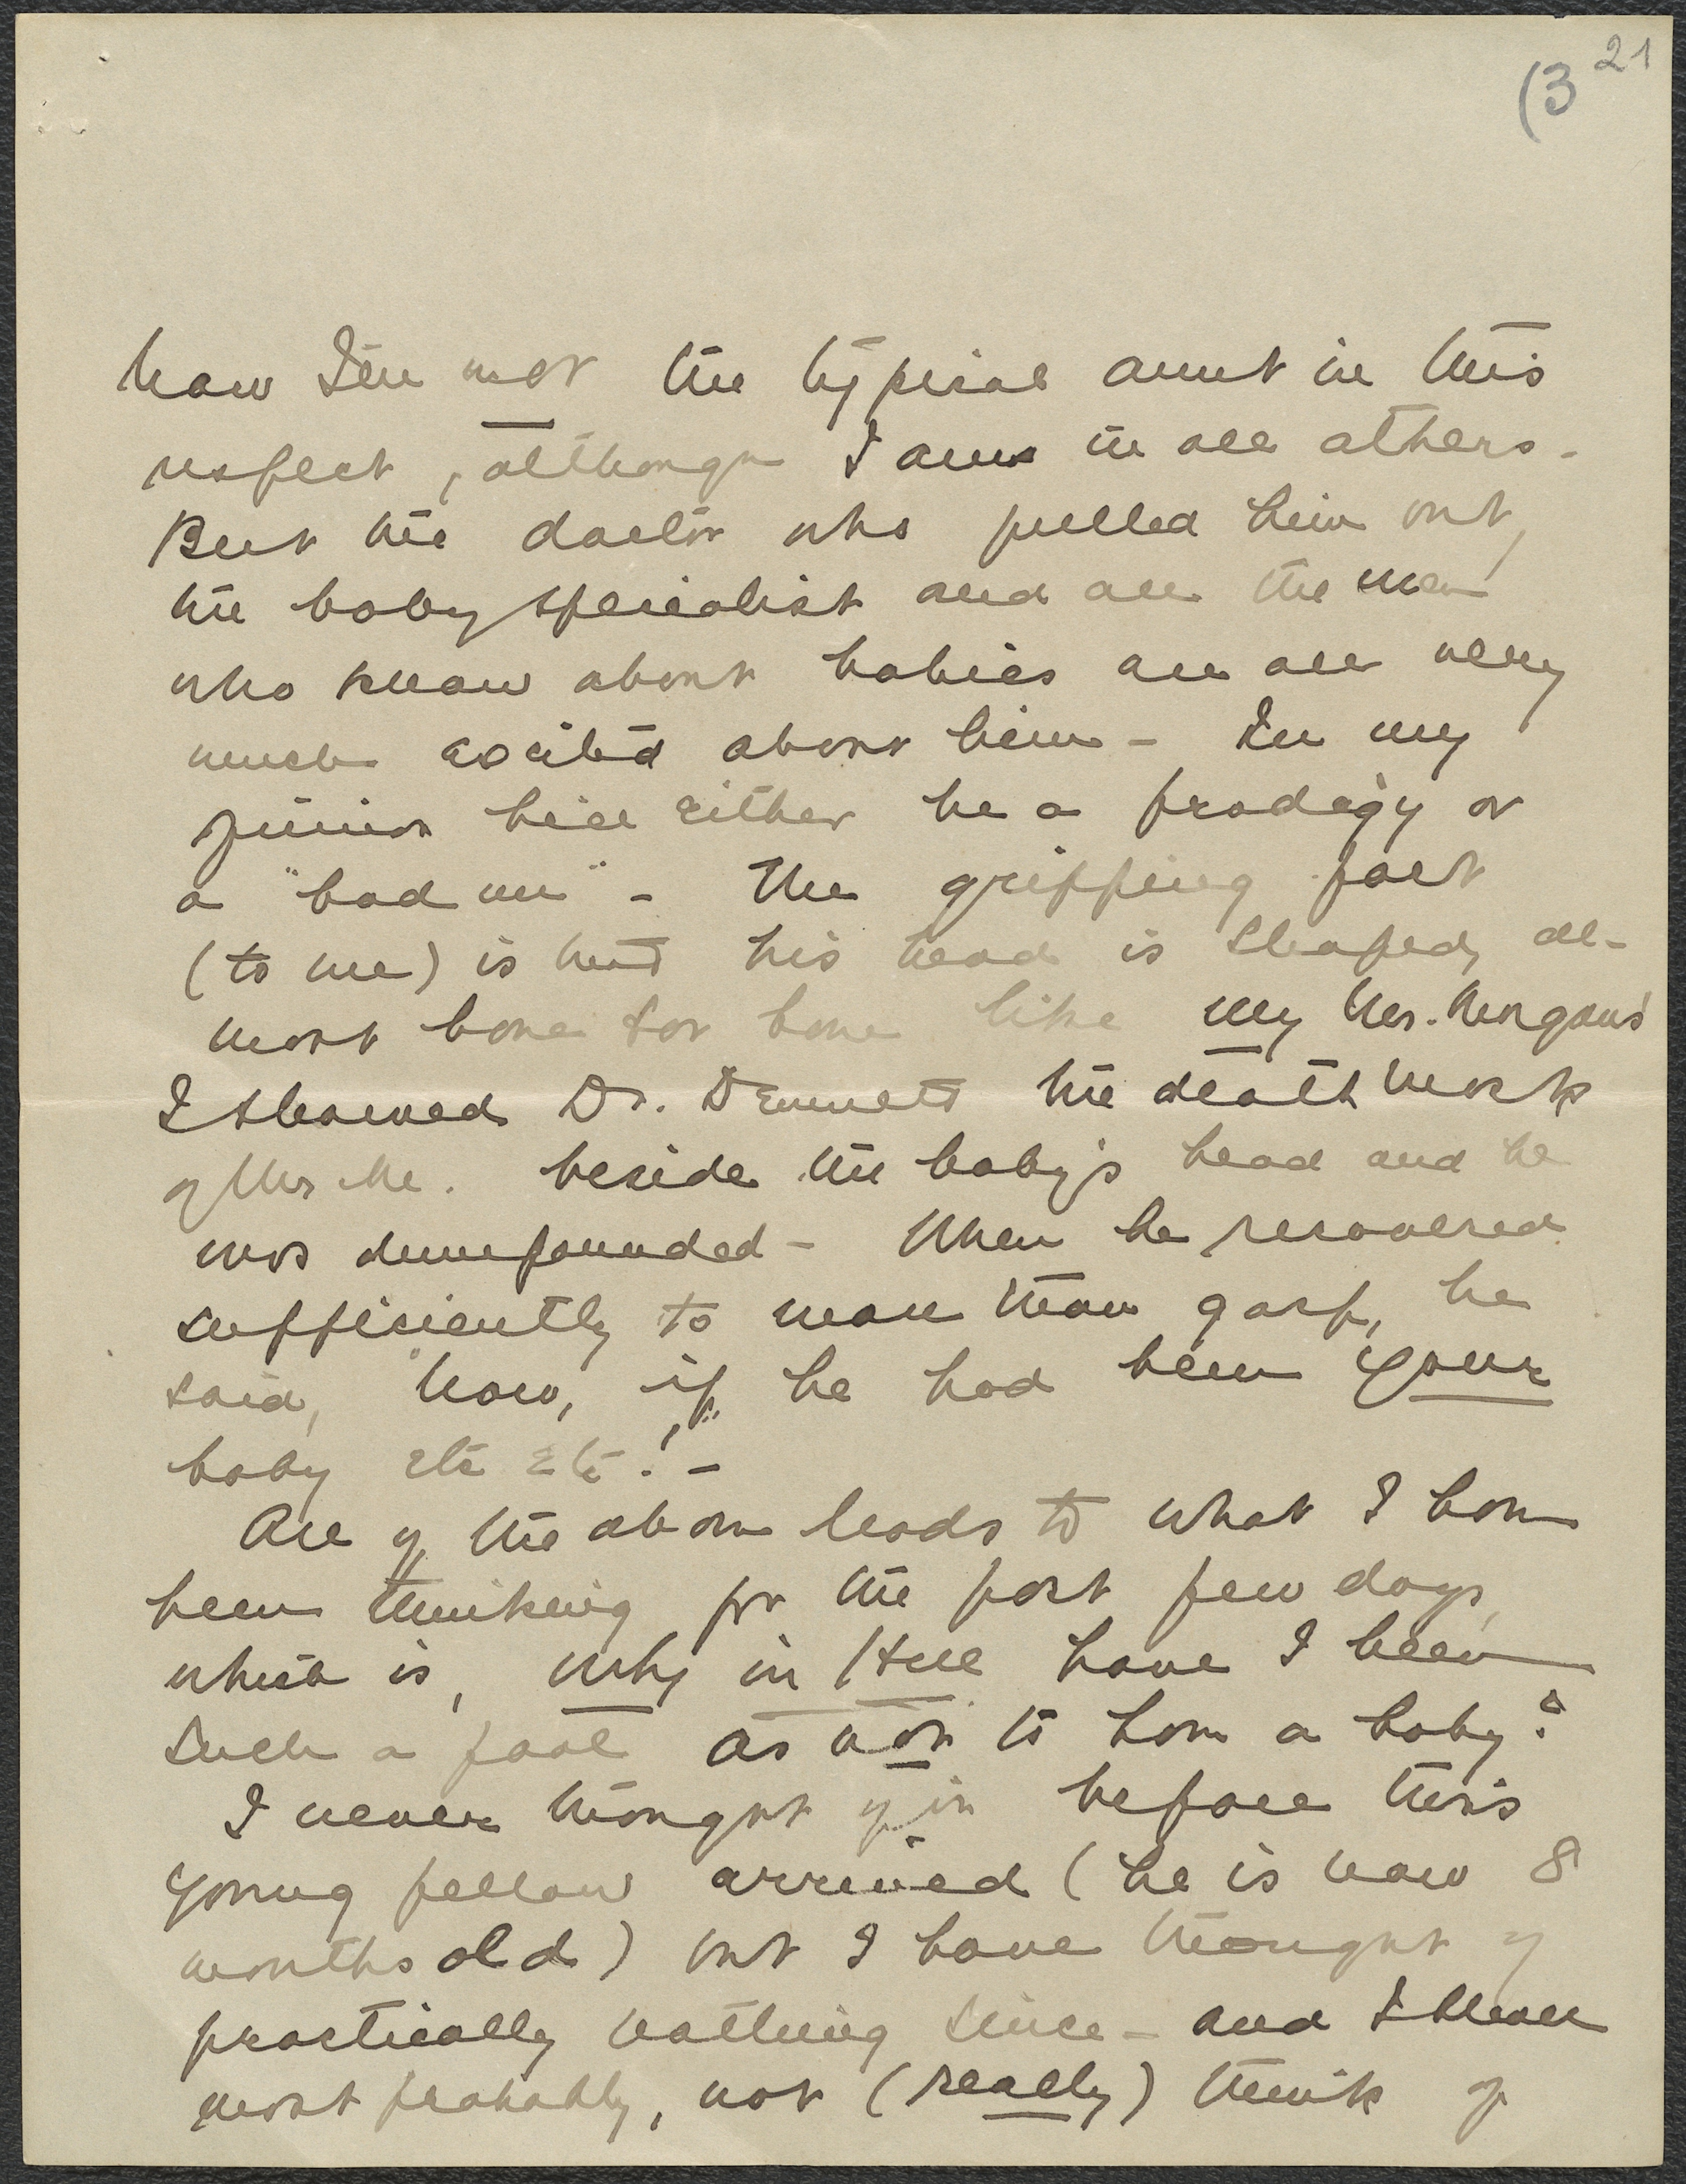that I'm not the typical aunt in this respect, although I am in all others – But the doctor who pulled him out, the baby specialist and all the men who know about babies are all very much excited about him – In my opinion he'll either be a prodigy or a "bad un" – The gripping fact (to me) is that his head is shaped almost bone for bone like my Mr. Morgan's
I showed Dr. Dennett the death mask of Mr. M. beside the baby's head and he was dumfounded [sic] – When he recovered sufficiently to more than gasp, he said, "Now, if he had been your baby etc etc!" –
All of the above leads to what I have been thinking for the past few days, which is, why in Hell have I been such a fool as not to have a baby?
I never thought of it before this young fellow arrived (he is now 8 months old) but I have thought of practically nothing since – and I shall most probably, not (really) think of